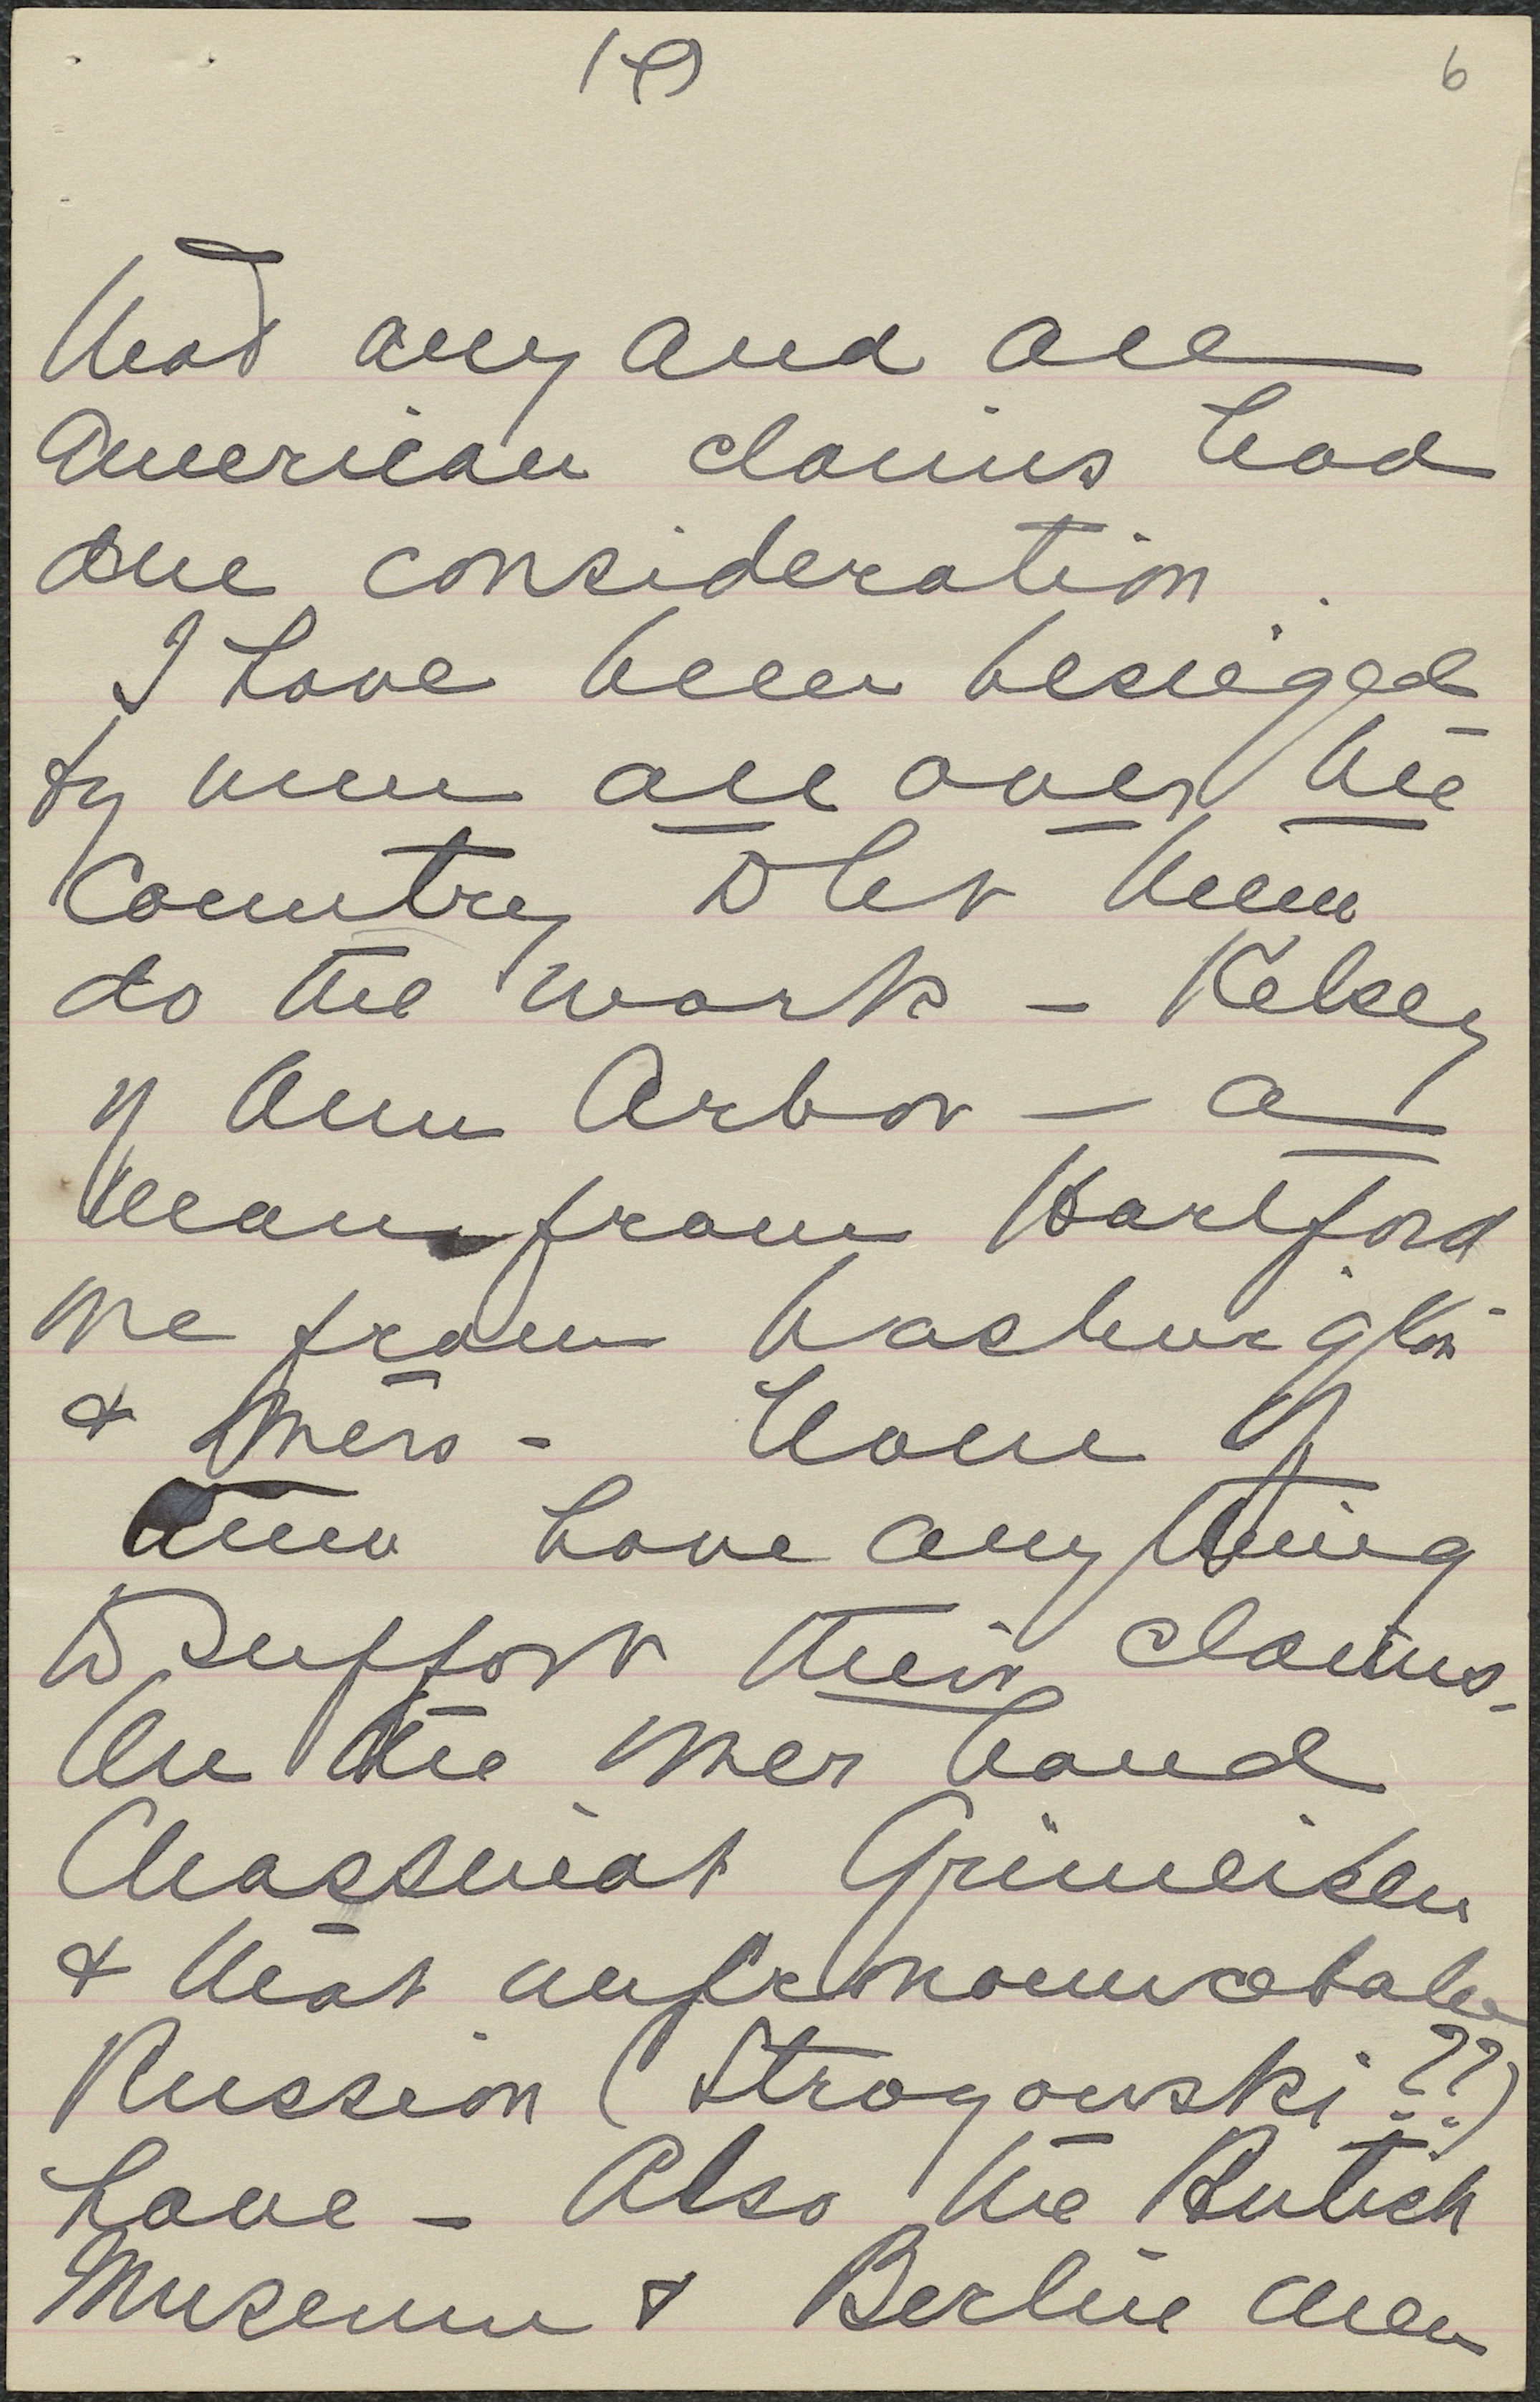(4)
that any and all American claims had due consideration.
I have been besieged by men all over the country to let him do the work – Kelsey of Ann Arbor – a man from Hartford one from Washington & others – None of them have anything to support their claims – On the other hand Chassinat Grüneiken & that unpronounceable Russian (Strogovski??) have – Also the British Museum & Berlin men